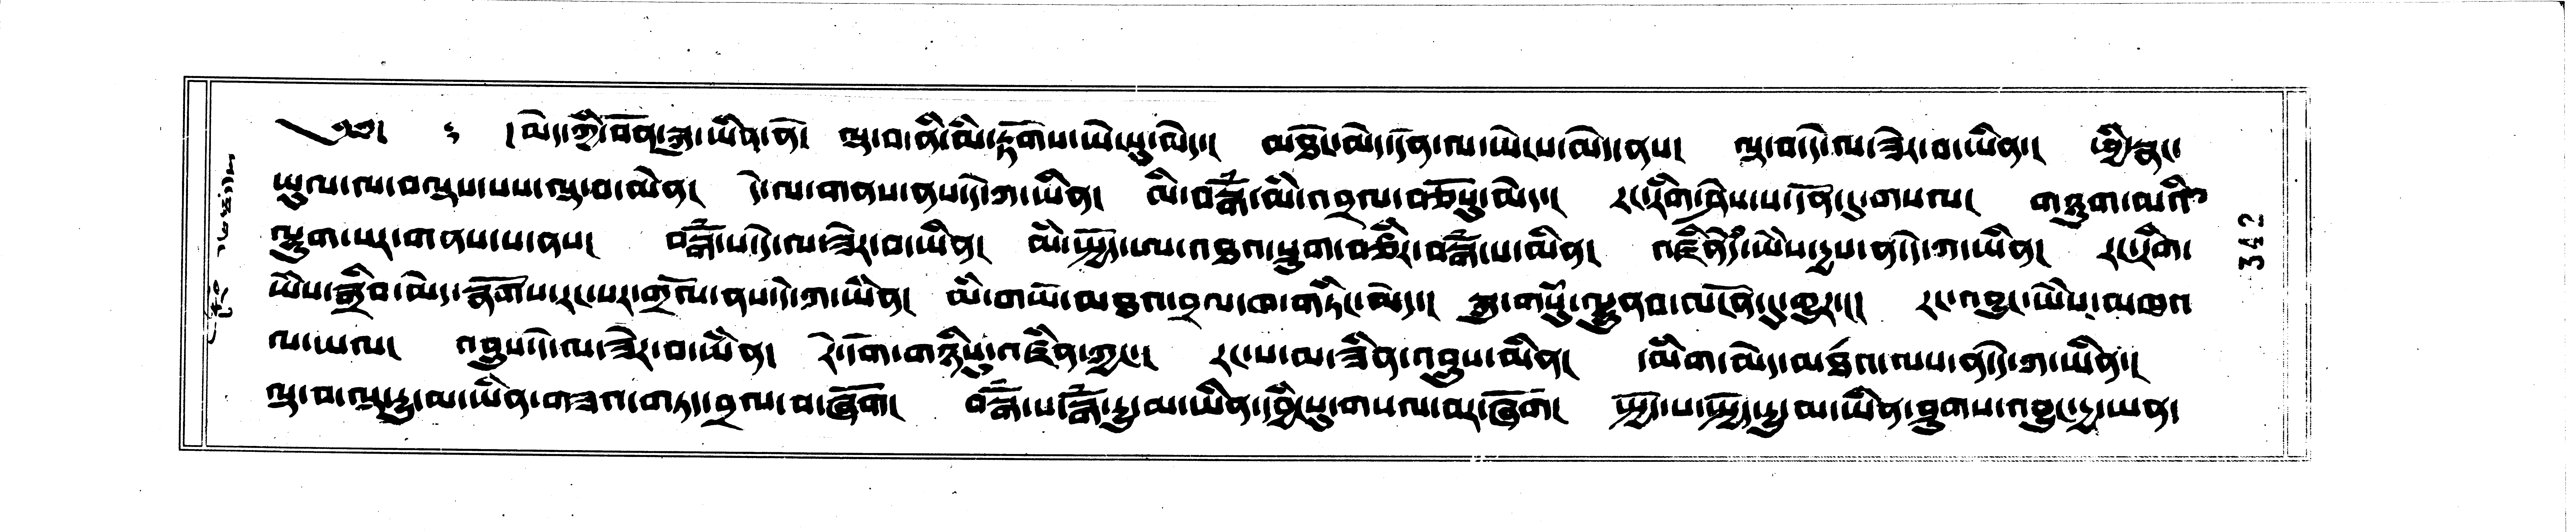མེད་བོན་གྱིས་སྐུ་ཡིན་ནོ། ལྟ་བ་ནི་མི་རྟོག་ཡེངས་སུ་མེད། མཐོང་མེད་དོན་ལ་ཡེངས་མེད་ན། ལྟ་བ་དེ་ལས་ཟེར་བ་ཡིན། ཕྱི་སྣང་
ཡུལ་ལ་བལྟས་པས་ལྟ་བ་མེན། དོན་ལ་གནས་ན་དེ་ཀ་ཡིན། མི་བསྒོམ་མི་འབྲལ་བཅོས་སུ་མེད། རང་རིག་ཤེས་པ་དོན་དུ་གསལ། གཉུག་མ་
ལྷུག་པར་གནས་བེས་ན། སྒོམ་པ་དེ་ལ་ཟེར་བ་ཡིན། ཡིད་‘‘མི་”སྤྱོད་ཨེ་༼ཨ༽འཐས་སྡུག་ཙིར་བྷོམ་(སྒོམ)་པ་མེན། འཛིན་མེད་ཡེ་ཤེས་རྒྱས་ན་དེ་ཀ་ཡིན། རང་རིག་
ཡེ་ཤེས་བསྒྲིབ་པ་མེད། ཕྱོགས་མེད་རྒྱ་ཡན་གཟའ་གཏད་བྲལ། ཅི་སྤྱོད་དབྱིངས་སུ་ཤེས་པར་སྤྱོད་པ་ཡིན། རྟོག་པའི་བློ་རྣམས་བཀག་ན་སྤྱོད་པ་མེན། སྣ་ཚོགས་རང་སར་གྲོལ་ན་དེ་ཀ་ཡིན། མ་གཡོས་མཐའ་བྲལ་ཁ་གཏིང་མེད། སྐུ་གསུམ་ལྷུན་གྲུབ་མངོན་དུ་གྱུར། རང་འབྱུང་ཡེ་ཤེས་མཁའ་
ལ་ཡལ། འབྲས་བུ་དེ་ལ་ཟེར་བ་ཡིན། རེ་དོག་གཉིས་སུ་འཛིན་ནས་ཀྱང་། རང་ས་མ་ཟིན་འབྲས་བུ་མེན། དམིགས་མེད་མཐའ་ལས་འདས་ན་དེ་ཀ་ཡིན། 
ལྟ་བ་ལྟ་རྒྱུ་མ་ཡིན་གཟའ་གཏད་བྲལ་བར་ཞོག སྒོམ་པ་སྒོམ་རྒྱུ་མ་ཡིན་དབྱིངས་སུ་གསལ་བར་ཞོག སྤྱོད་པ་སྤྱོད་རྒྱུ་མ་ཡིན་ཤུག་འབྱུང་རྒྱ་ཡན་[